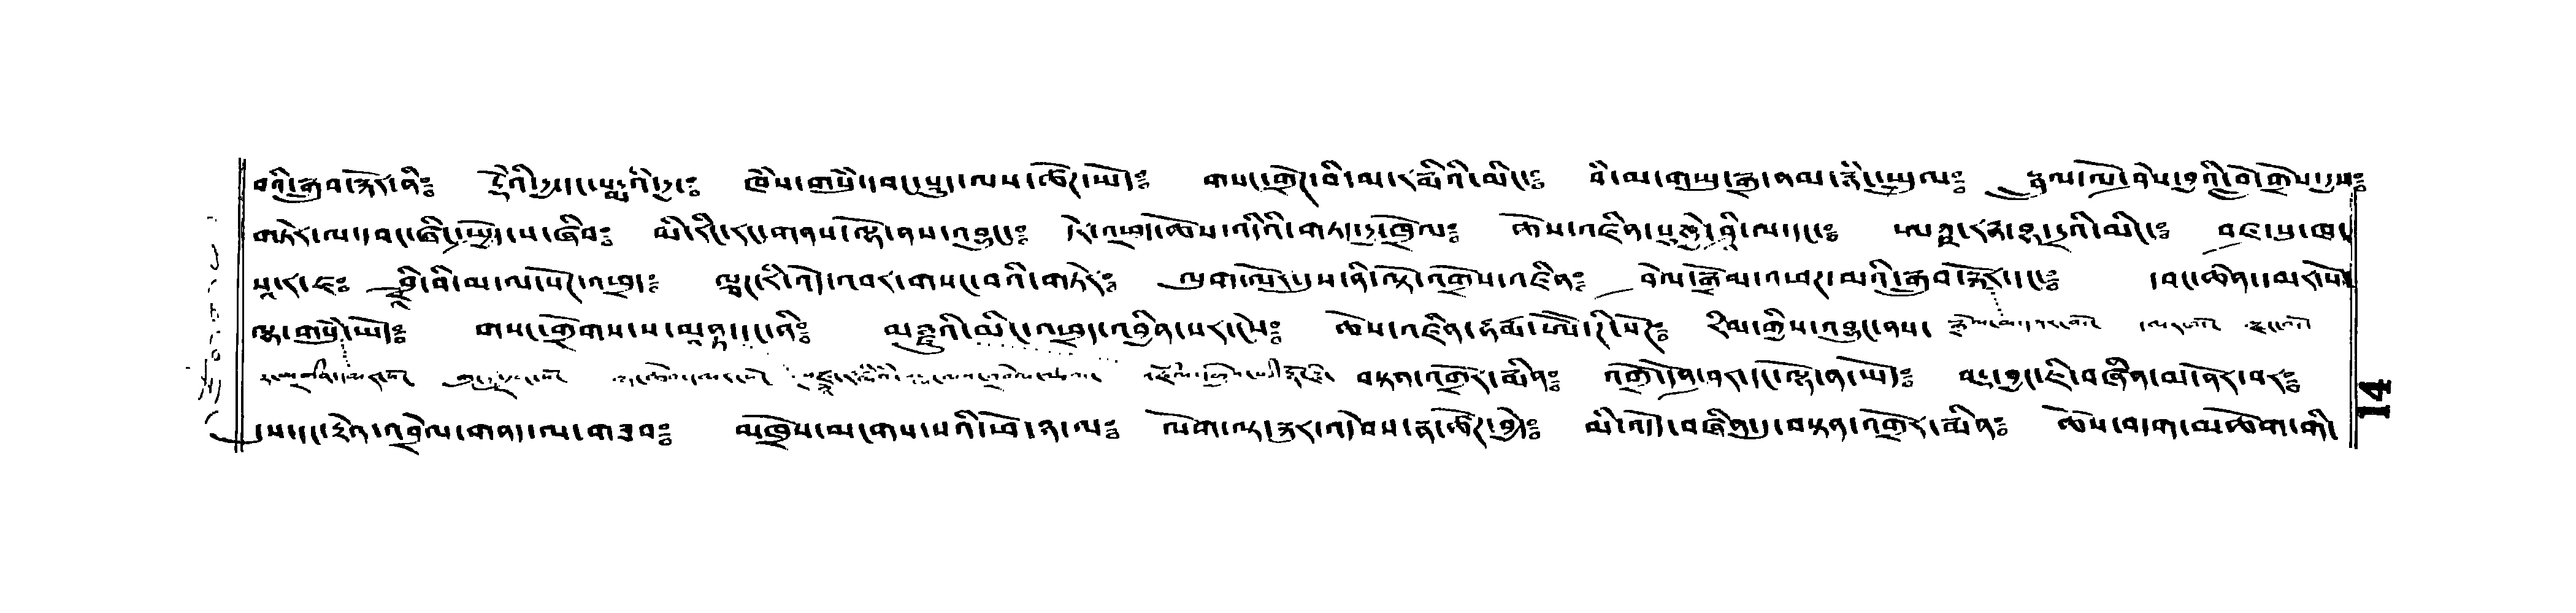བའི་སྒྲུབ་སྐོར་ནི༔ རྡོ་རྗེའི་རྒྱ་དང་པདྨའི་རྒྱ༔ ཁམས་གསུམ་དབང་སྡུད་ལས་ཚོགས་ཡོད༔ གསང་གྲོགས་བི་མ་རསྨིའི་མིང༔ བི་མ་གཡུ་སྒྲ་ནམ་སྙིང་སྤྲུལ༔ སྦྲུལ་ལོ་ཤེས་བྱའི་བློ་གྲོས་རྒྱས༔ 
གཏེར་ལ་དབང་ཞིང་སྤྱོད་པ་ཞིབ༔ མི་རིང་རང་གནས་ལྷོ་ནས་འབྱུང༔ དེར་འཕྲད་ཆོས་འདིའི་གཏད་རྒྱ་ཁྲོལ༔ ཆོས་འཛིན་པུཎྱེ་ཤཱི་ལ་དངཿ ཨཀྵ་རཏྣ་བྷ་དྲའི་མིང༔བཛྲ་སུ་ཁ་
སཱ་ར་ཛཿ ཤྲཱི་བི་མ་ལ་སོགས་འཕྲད༔ ལྕགས་རི་འོད་འབར་གསང་བའི་གཏེར༔ ལུག་ལོར་དུས་ནི་ལྟོ་འགྲོས་འཛིན༔ ཤེལ་སྒྲོམ་འཕགས་མའི་སྒྲུབ་སྐོར་དང༔ དབང་ཆེན་དམར་པོ་
ལྷ་གསུམ་ཡོད༔ གསང་གྲོགས་ས་མཱནྟ་དང་ནི༔ མཉྫུའི་མིང་འཕྲད་འབྱིན་པར་ངེས༔ ཆོས་འཛིན་དྷརྨ་ཨོ་ཌི་སོགས༔ རིམ་གྱིས་འབྱུང་ནས་ སྣང་ངོ་
རང་མགྲིན་ཆར་ཙེ བསྟན་འགྲོར་སྨིན༔ འགྲོ་དོན་ཤར་དང་ལྷོ་ན་ཡོད༔ བརྡ་བྱང་ཇི་བཞིན་མ་ནོར་བར༔ 
དུས་དང་རྟེན་འབྲེལ་གནད་ལ་གཟབ༔ མཁའ་འགྲོས་མངགས་པའི་ཕོ་ཉ་ལ༔ ལོག་ལྟ་སྐུར་འདེབས་སྣ་ཚོགས་བྱེད༔ མི་འདོད་བཞིན་དུ་བསྟན་འགྲོར་སྨིན༔ ཆོས་བདག་མཆོག་གི་